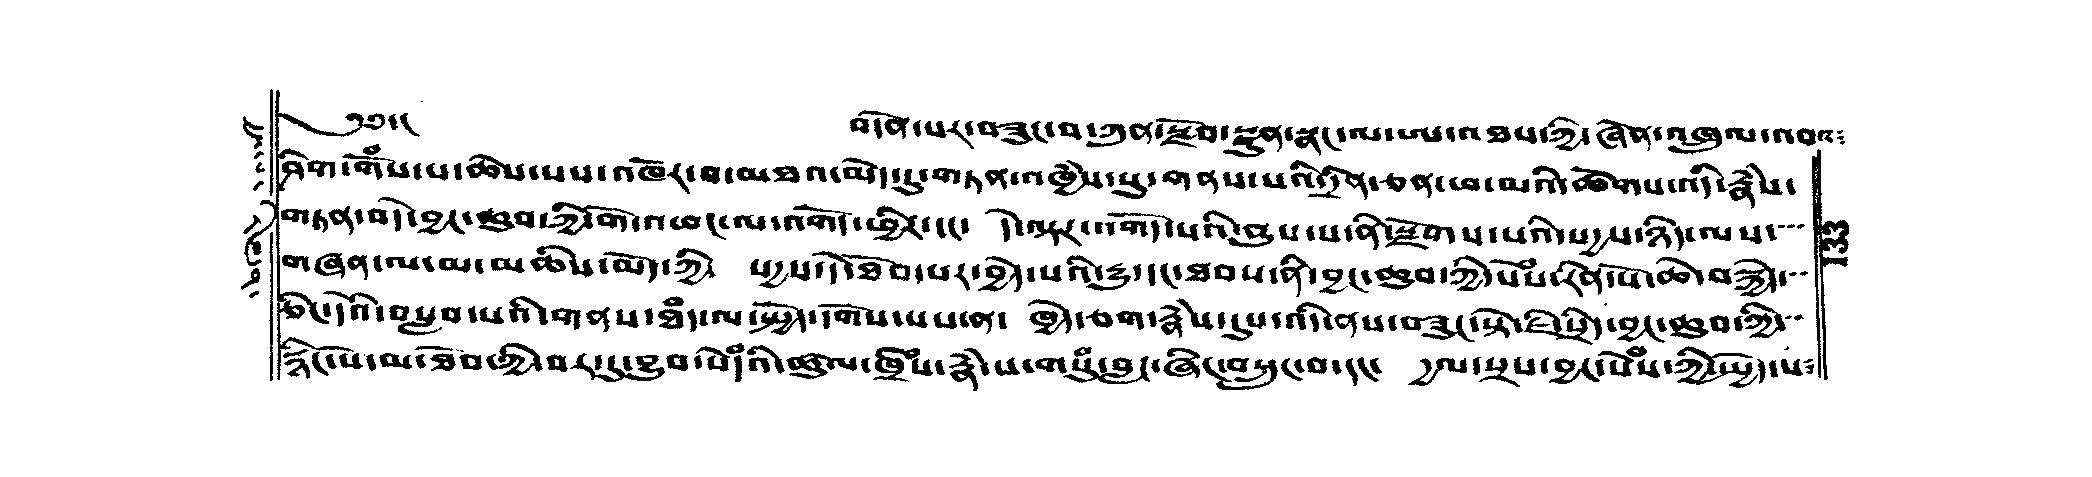བདེན་པར་བཟུང་བ་ཀུན་རྫོབ་རྫུན་སྣང་ལ་ཨ་འཐས་ཀྱི་ཞེན་འཁྲུལ་འབའ་
ཞིག་གོམས་པ་ཆེས་པས་འཁོར་བ་མཐའ་མེད་དུ་གཏན་འཁྱམས་སུ་གནས་པའི་དྲིན་ཅན་ཕ་མའི་ཆོགས་འདི་རྣམས་
གཏན་བདེ་བྱང་ཆུབ་ཀྱི་གོ་འཕང་ལ་འགོད་ཕྱིར་དང་། དེ་ལྟར་འགོད་པའི་ནུས་པ་ནི་རྫོགས་པའི་སངས་རྒྱས་ཉིད་ལས་
གཞན་ལ་མ་མཆིས་མོད་ཀྱི།སངས་རྒྱས་དེ་ཐོབ་པར་བྱེད་པའི་རྒྱུ་དང་ཐབས་ནི་བྱང་ཆུབ་ཀྱི་སེམས་རིན་པོ་ཆེ་བསྐྱེད་
ཅིང་དེའི་བསླབ་པའི་གནས་ཐམས་ཅད་ལ་སྤྱོད་དགོས་པས་ན། ཁྱེད་ཅག་རྣམས་དུས་འདི་ནས་བཟུང་སྟེ་ཇི་དྲིད་བྱང་ཆུབ་ཀྱི་
སྙིང་པོ་མ་ཐོབ་ཀྱི་བར་དུ་བྱང་ཆུབ་སེམས་དཔའི་ཚུལ་ཁྲིམས་རྣམ་པ་གསུམ་བླ་ཞིང་བསྲུང་བ་དང་། རྒྱལ་སྲས་བྱང་སེམས་ཀྱི་སྤྱོད་པ་